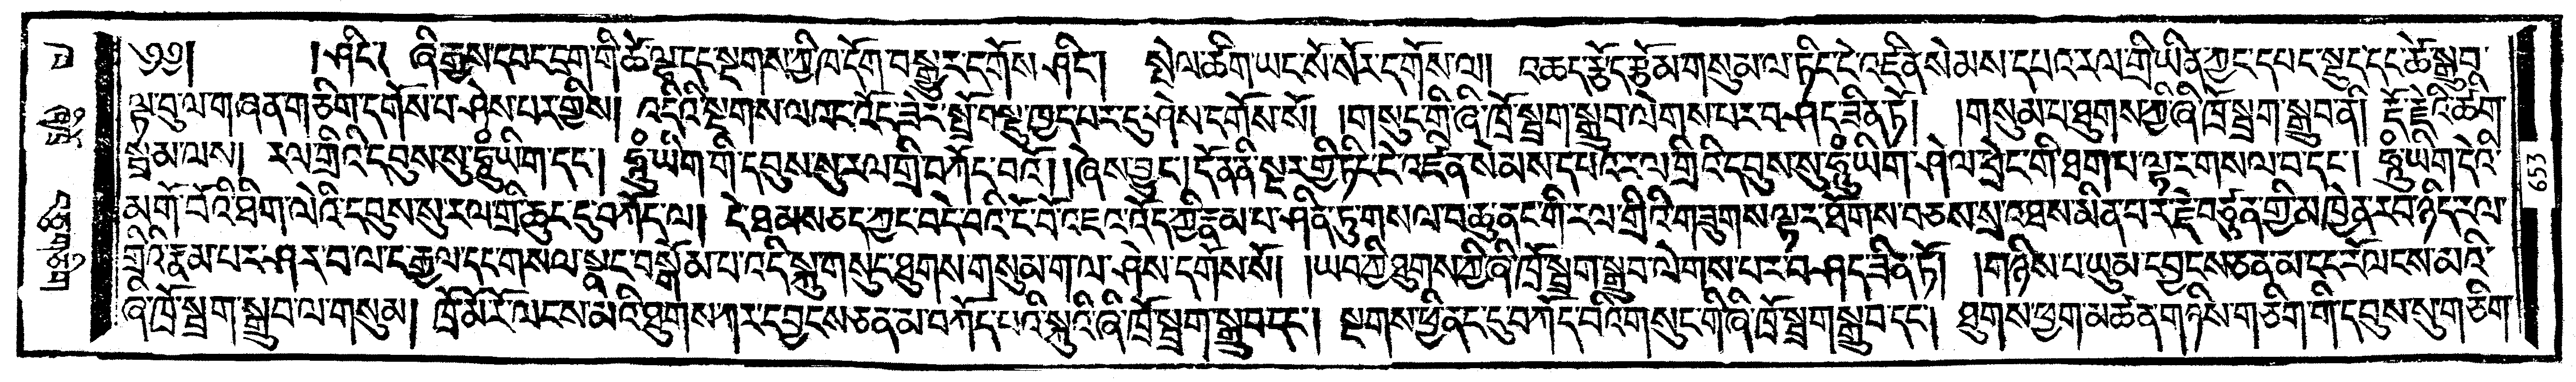༄༅། །ཤིང༑ ཞི་རྒྱས་དབང་དྲག་གི་ཚེ་ལྷ་དང་སྔགས་ཀྱི་ཁ་དོག་བསྒྱུར་དགོས་ཤིང་། སྤེལ་ཚིག་ཡང་སོ་སོར་དགོས་ལ། འཆད་རྩོད་རྩོམ་གསུམ་ལ་ཏིང་ངེ་འཛིན་སེམས་དཔའ་རལ་གྲི་ཡིན་ཀྱང་དབང་སྡུད་དང་ཚེ་སྒྲུབ་
ལྟ་བུ་ལ་གཞན་གཅིག་དགོས་པ་ཤེས་པར་གྱིས། འདིའི་སྔགས་ལའང་འོད་ཟེར་སྤྲོ་བསྡུ་ཁྱད་པར་དུ་ཤེས་དགོས་སོ། །གསུང་གི་ཞི་ཁྲོ་སྦྲག་སྒྲུབ་ལེགས་པར་བཤད་ཟིན་ཏོ། །གསུམ་པ་ཐུགས་ཀྱི་ཞི་ཁྲོ་སྦྲག་སྒྲུབ་ནི། རྡོ་རྗེའི་ཚིག་
སྦྲམ་ལས། རལ་གྲིའི་དབུས་སུ་ཧཱུཾ་ཡིག་དང་། ཧཱུཾ་ཡིག་གི་དབུས་སུ་རལ་གྲི་བཀོད་བའོ། །ཞེས་བྱུང་། དོན་ནི་སྔར་གྱི་ཏིང་ངེ་འཛིན་སེམས་དཔའ་རལ་གྲིའི་དབུས་སུ་ཧཱུཾ་ཡིག་ཤེལ་ཕྲེང་གི་ཐག་པ་ལྟར་གསལ་བ་དང་། ཧཱུཾ་ཡིག་དེའི་
མགོ་བོའི་ཐིག་ལེའི་དབུས་སུ་རལ་གྲི་ཆུང་ངུ་བཀོད་ལ། དེ་ཐམས་ཅད་ཀྱང་བདེ་བའི་ངོ་བོ་འཇའ་འོད་ཀྱི་རྣམ་པ་ཤིན་ཏུ་གསལ་བ་ཆུ་ནང་གི་རལ་གྲིའི་གཟུགས་ལྟར་ཐོགས་བཅས་སྲ་འཐས་མིན་པར་རྗེ་བཙུན་གྱི་མཁྱེན་རབ་ཉིད་རལ་
གྲིའི་རྣམ་པར་ཤར་བ་ལ་ང་རྒྱལ་དང་གསལ་སྣང་བསྒོམ་པ་འདི་སྐུ་གསུང་ཐུགས་གསུམ་ག་ལ་ཤེས་དགོས་སོ། །ཡབ་ཀྱི་ཐུགས་ཀྱི་ཞི་ཁྲོ་སྦྲག་སྒྲུབ་ལེགས་པར་བཤད་ཟིན་ཏོ། །གཉིས་པ་ཡུམ་དབྱངས་ཅན་མ་དང་རོ་ལངས་མའི་
ཞི་ཁྲོ་སྦྲག་སྒྲུབ་ལ་གསུམ། ཁྲོ་མོ་རོ་ལངས་མའི་ཐུགས་ཀར་དབྱངས་ཅན་མ་བཀོད་པའི་སྐུའི་ཞི་ཁྲོ་སྦྲག་སྒྲུབ་དང་། སྔགས་ཕྱི་ནང་དུ་བཀོད་པའི་གསུང་གི་ཞི་ཁྲོ་སྦྲག་སྒྲུབ་དང་། ཐུགས་ཕྱག་མཚན་གཉིས་གཅིག་གི་དབུས་སུ་གཅིག་